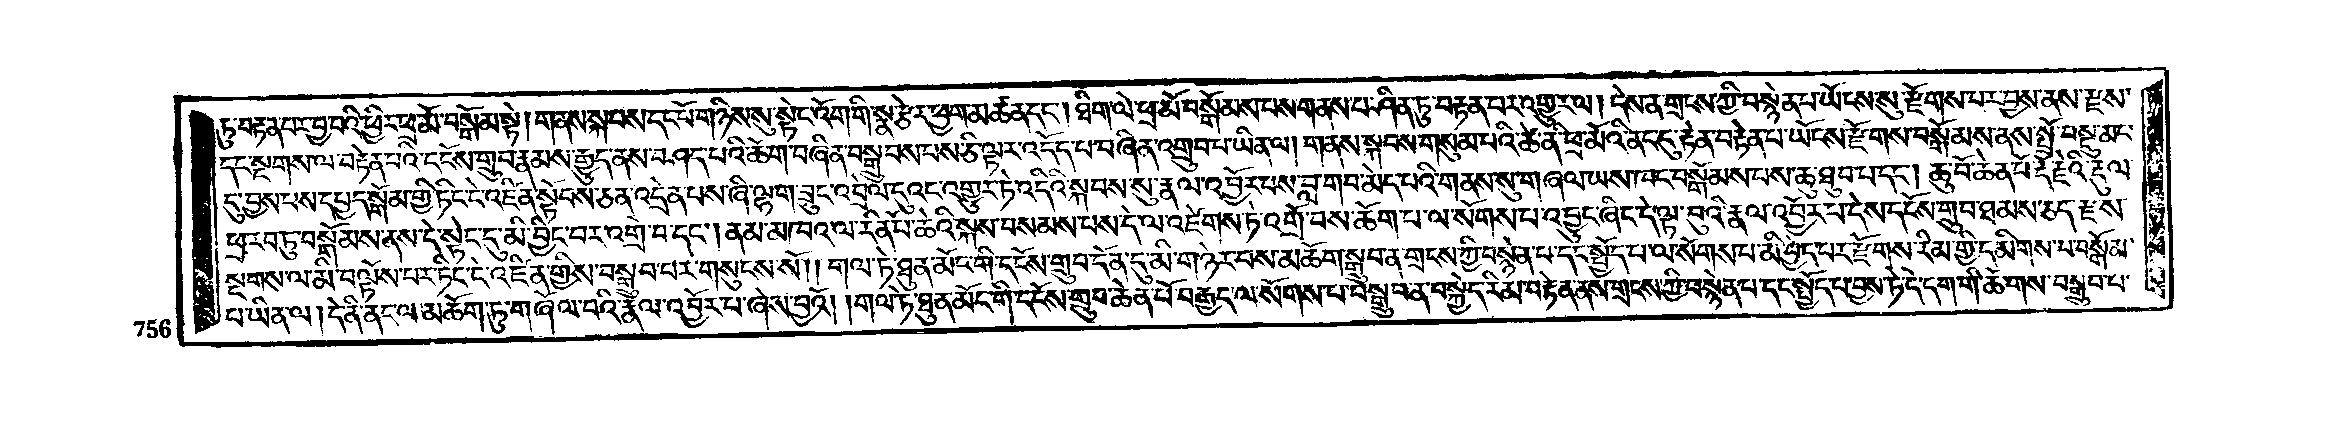ཏུ་བརྟན་པར་བྱ་བའི་ཕྱིར་ཕྲ་མོ་བསྒོམ་སྟེ། གནས་སྐབས་དང་པོ་གཉིས་སུ་སྟེང་འོག་གི་སྣ་རྩེར་ཕྱག་མཚན་དང་། ཐིག་ལེ་ཕྲ་མོ་བསྒོམས་པས་གནས་པ་ཤིན་ཏུ་བརྟན་པར་འགྱུར་ལ། དེས་ན་གྲངས་ཀྱི་བསྙེན་པ་ཡོངས་སུ་རྫོགས་པར་བྱས་ནས་རྫས་
དང་སྔགས་ལ་བརྟེན་པའི་དངོས་གྲུབ་རྣམས་རྒྱུད་ནས་བཤད་པའི་ཆོ་ག་བཞིན་བསྒྲུབས་པས་ཅི་ལྟར་འདོད་པ་བཞིན་འགྲུབ་པ་ཡིན་ལ། གནས་སྐབས་གསུམ་པའི་ཚེ་ནི་ཕྲ་མོའི་ནང་དུ་རྟེན་བརྟེན་པ་ཡོངས་རྫོགས་བསྒོམས་ནས་སྤྲོ་བསྡུ་མང་
དུ་བྱས་པས་དཔྱད་སྒོམ་གྱི་ཏིང་ངེ་འཛིན་སྟོབས་ཅན་འདྲེན་པས་ཞི་ལྷག་ཟུང་འབྲེལ་དུའང་འགྱུར་ཏེ་འདིའི་སྐབས་སུ་རྣལ་འབྱོར་པས་བླ་གབ་མེད་པའི་གནས་སུ་གཞལ་ཡས་ཁང་བསྒོམས་པས་ཆུ་ཐུབ་པ་དང་། ཆུ་བོ་ཆེན་པོ་རྡོ་རྗེའི་རྡུལ་
ཕྲ་རབ་ཏུ་བསྒོམས་ནས་དེ་སྟེང་དུ་མི་བྱིང་བར་འགྲོ་བ་དང་། ནམ་མཁའ་ལ་རིན་པོ་ཆེའི་སྐས་བསམས་པས་དེ་ལ་འཛེགས་ཏེ་འགྲོ་བས་ཆོག་པ་ལ་སོགས་པ་འབྱུང་ཞིང་དེ་ལྟ་བུའི་རྣལ་འབྱོར་པ་དེས་དངོས་གྲུབ་ཐམས་ཅད་རྫས་
སྔགས་ལ་མི་བལྟོས་པར་རིང་ངེ་འཛིན་གྱིས་བསྒྲུབ་པར་གསུངས་སོ། །གལ་ཏེ་ཐུན་མོང་གི་དངོས་གྲུབ་དོན་དུ་མི་གཉེར་བས་མཆོག་སྒྲུབ་ན་གྲངས་ཀྱི་བསྙེན་པ་དང་སྤྱོད་པ་ལ་སོགས་པ་མི་བྱེད་པར་རྫོགས་རིམ་གྱི་དམིགས་པ་བསྒོམ་
པ་ཡིན་ལ། དེ་ནི་ནང་ལ་མཆོག་ཏུ་གཞོལ་བའི་རྣལ་འབྱོར་པ་ཞེས་བྱའོ། །གལ་ཏེ་ཐུན་མོང་གི་དངོས་གྲུབ་ཆེན་པོ་བརྒྱད་ལ་སོགས་པ་བསྒྲུབ་ན་བསྐྱེད་རིམ་བརྟེན་ནས་གྲངས་ཀྱི་བསྙེན་པ་དང་སྤྱོད་པ་བྱས་ཏེ་དེ་དག་གི་ཆོ་གས་བསྒྲུབ་པ་